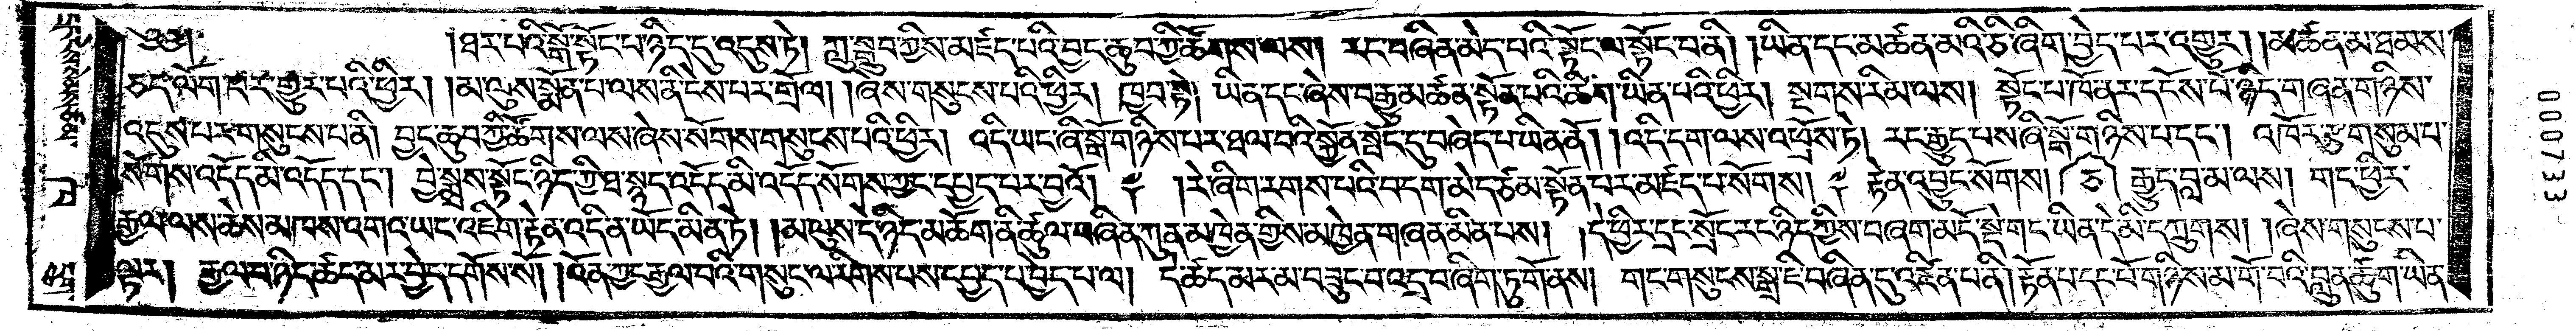༄༅། །ཐར་པའི་སྒོ་སྟོང་པ་ཉིད་དུ་འདུས་ཏེ། ཀླུ་སྒྲུབ་ཀྱིས་མཛད་པའི་བྱང་ཆུབ་ཀྱི་ཚོགས་ལས། རང་བཞིན་མེད་པའི་སྟོང་ལ་སྟོང་པ་ནི། །ཡིན་དང་མཚན་མའི་ཅི་ཞིག་བྱེད་པར་འགྱུར། །མཚན་མ་ཐམས་
ཅད་ལོག་པར་གྱུར་པའི་ཕྱིར། །མ་ལུས་སྨོན་པ་ལས་ནི་ངེས་པར་གྲོལ། །ཞེས་གསུངས་པའི་ཕྱིར། ཁྱབ་སྟེ། ཡིན་དང་ཞེས་པ་རྒྱུ་མཚན་སྟོན་པའི་ཚིག་ཡིན་པའི་ཕྱིར། སྔགས་རིམ་ལས། སྟོང་པ་ཁོ་ནར་དངོས་པོ་ཉིད་གཞན་གཉིས་
འདུས་པར་གསུངས་པ་ནི། བྱང་ཆུབ་ཀྱི་ཚོགས་ལས་ཞེས་སོགས་གསུངས་པའི་ཕྱིར། འདི་ཡང་ཞི་སྒོ་གཉིས་པར་ཐལ་བའི་སྐྱོན་སྤོང་དུ་བཞེད་པ་ཡིན་ནོ། །འདི་དག་ལས་འཕྲོས་ཏེ། རང་རྒྱུད་པས་ཞི་སྒོ་གཉིས་པ་དང་། འཁོར་རྩ་གསུམ་པ་
སོགས་འདོད་མི་འདོད་དང་། བྱེ་སྨྲས་སྟོང་ཉིད་ཀྱི་ཐ་སྙད་འདོད་མི་འདོད་སོགས་ཀྱང་དཔྱད་པར་བྱའོ། ༈ །རེ་ཞིག་རགས་པའི་བདག་མེད་ཙམ་སྟོན་པར་མཛད་པ་སོགས། ༈ རྟེན་འབྱུང་སོགས། ༼ཅ༽ རྒྱུད་བླ་མ་ལས། གང་ཕྱིར་
རྒྱལ་ལས་ཆེས་མཁས་འགའ་ཡང་འཇིག་རྟེན་འདི་ན་ཡོད་མིན་ཏེ། །མ་ལུས་དེ་ཉིད་མཆོག་ནི་ཚུལ་བཞིན་ཀུན་མཁྱེན་གྱིས་མཁྱེན་གཞན་མིན་པས། །དེ་ཕྱིར་དྲང་སྲོང་རང་ཉིད་ཀྱིས་བཞག་མདོ་སྡེ་གང་ཡིན་དེ་མི་དཀྲུགས། །ཞེས་གསུངས་པ་
ལྟར། རྒྱལ་བ་ཉིད་ཚད་མར་བྱེད་དགོས་སོ། །འོན་ཀྱང་རྒྱལ་བའི་གསུང་ལ་རིགས་པས་དཔྱད་པ་བྱེད་པ་ལ། དེ་ཚད་མར་མ་བཟུང་བ་འདྲ་བ་ཞིག་ཏུ་གོ་ནས། གང་གསུངས་སྒྲ་ཇི་བཞིན་དུ་འཛིན་པ་ནི། རྟོན་པ་དང་པོ་གཉིས་མ་གོ་བའི་བླུན་ཚུག་ཡིན་